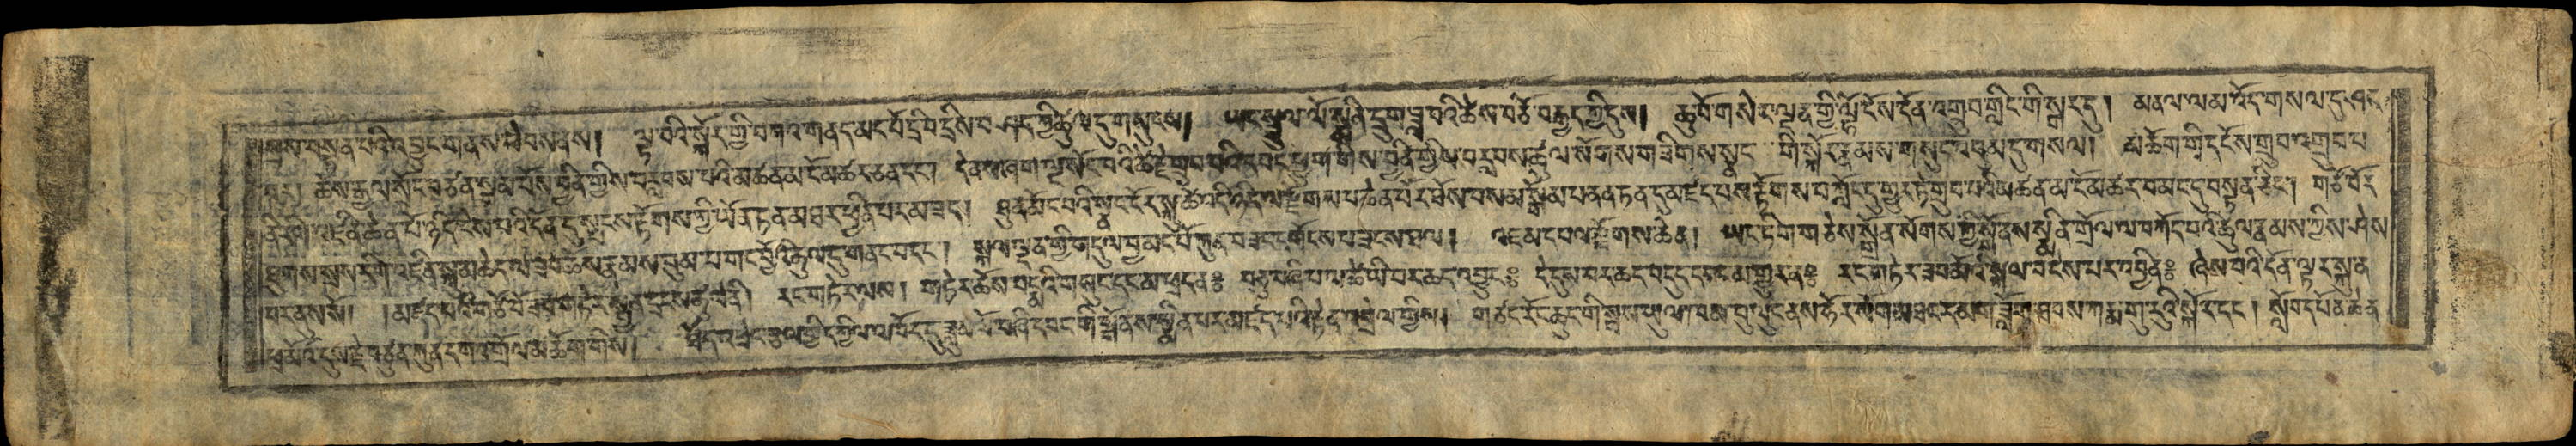སས་བསྟན་པའི་འབྱུང་གནས་ཕེབས་ནས། ལྟ་བའི་སྐོར་གྱི་བཀའ་གནད་མང་པོ་དྲི་བ་དྲིས་བཤད་ཀྱི་ཚུལ་དུ་གསུངས། ཡང་སྤྲུལ་ལོ་སྨིན་དྲུག་ཟླ་བའི་ཚེས་བཅོ་བརྒྱད་ཀྱི་དུས། ཆུ་བོ་གསེར་ལྡན་གྱི་ལྟོ་ངོས་དོན་འགྲུབ་གླིང་གི་སྒར་དུ། མནལ་ལམ་འོད་གསལ་དུ་ཤར་
བར། ཆོས་རྒྱལ་སྲོང་བཅན་སྒམ་པོས་བྱིན་གྱིས་བརླབས་པའི་མཚན་མ་ངོ་མཚར་ཅན་དང་། དེ་ནས་ཞག་ལྔ་སོང་བའི་ཚེ་རྗེ་གྲུབ་པའི་དབང་ཕྱུག་གིས་བྱིན་གྱིས་བརླབས་ཚུལ་སོགས་གཟིགས་སྣང་གི་སྐོར་རྣམས་གསུང་འབུམ་དུ་གསལ། མཆོག་གི་དངོས་གྲུབ་འགྲུབ་པ་
ནི་རིག་འཛིན་ཆེན་པོ་ཉིད་ངེས་པའི་དོན་དུ་སྤངས་རྟོགས་ཀྱི་ཡོན་ཏན་མཐར་ཕྱིན་པར་མ་ཟད། ཐུན་མོང་བའི་སྣང་ངོར་སྐུ་ཚེ་འདི་ཉིད་ལ་རྫོགས་པ་ཆེན་པོར་ཐོས་བསམ་སྒོམ་པ་ནན་ཏན་དུ་མཛད་པས་རྟོགས་པ་ཀློང་དུ་གྱུར་ཏེ་གྲུབ་པའི་མཚན་མ་ངོ་མཚར་བ་མང་དུ་བསྟན་ཅིང་། གཙོ་བོར་
ཐུགས་སྲས་དག་འཛིན་སྐུ་མཆེད་ལ་ཟབ་ཆོས་རྣམས་བུམ་པ་གང་བྱོའི་ཆུལ་དུ་གནང་བ་དང་། སྐལ་ལྡན་གྱི་གདུལ་བྱ་མང་པོ་ཀུན་བཟང་དགོངས་པ་ཟངས་ཐལ། འཇམ་དཔལ་རྫོགས་ཆེན། ཡང་ཏིག་གཅེས་སྒྲོན་སོགས་ཀྱི་སྒོ་ནས་སྨིན་གྲོལ་ལ་བཀོད་བའི་ཚུལ་རྣམས་ཀྱིས་ཤེས་
པར་ནུས་སོ། །མཛད་པའ་གཙོ་བོ་ཟབ་གཏེར་སྤྱན་དྲངས་ཚུལ་ན། རང་གཏེར་ལས། གཏེར་ཆོས་པདམའི་གསུང་དང་མ་ཕྲད་ནཿ་བཅུ་བཞི་པ་ལ་ཚེ་ཡི་བར་ཆད་འབྱུངཿ་དེ་དུས་བར་ཆད་བདུད་དབང་མ་གྱུར་ནཿ་རང་གཏེར་ཟབ་མོའི་སྐལ་བ་ངེས་པར་འབྱིནཿ་ཞེས་པའི་དོན་ལྟར་སྐུ་ན་
ཕྲ་མོའི་དུས་རྗེ་བཙུན་ཀུན་དགའ་གྲོལ་མཆོག་གིས། ཐོད་འཕྲེང་རྩལ་གྱི་དཀྱིལ་འཁོར་དུ་ཟླུམ་པོ་བཞི་དབང་གི་སྒོ་ནས་སྨིན་པར་མཛད་པའི་རྟེན་འབྲེལ་གྱིས། གཙང་རོང་ཆུང་གི་སྦས་ཡུལ་ཁམ་བུ་ལུང་ནས་ཧོར་སོག་མཐའ་དམག་ཟློག་ཐབས་ཀརྨ་གུ་རུའི་སྐོར་དང་། སློབ་དཔོན་ཆེན་